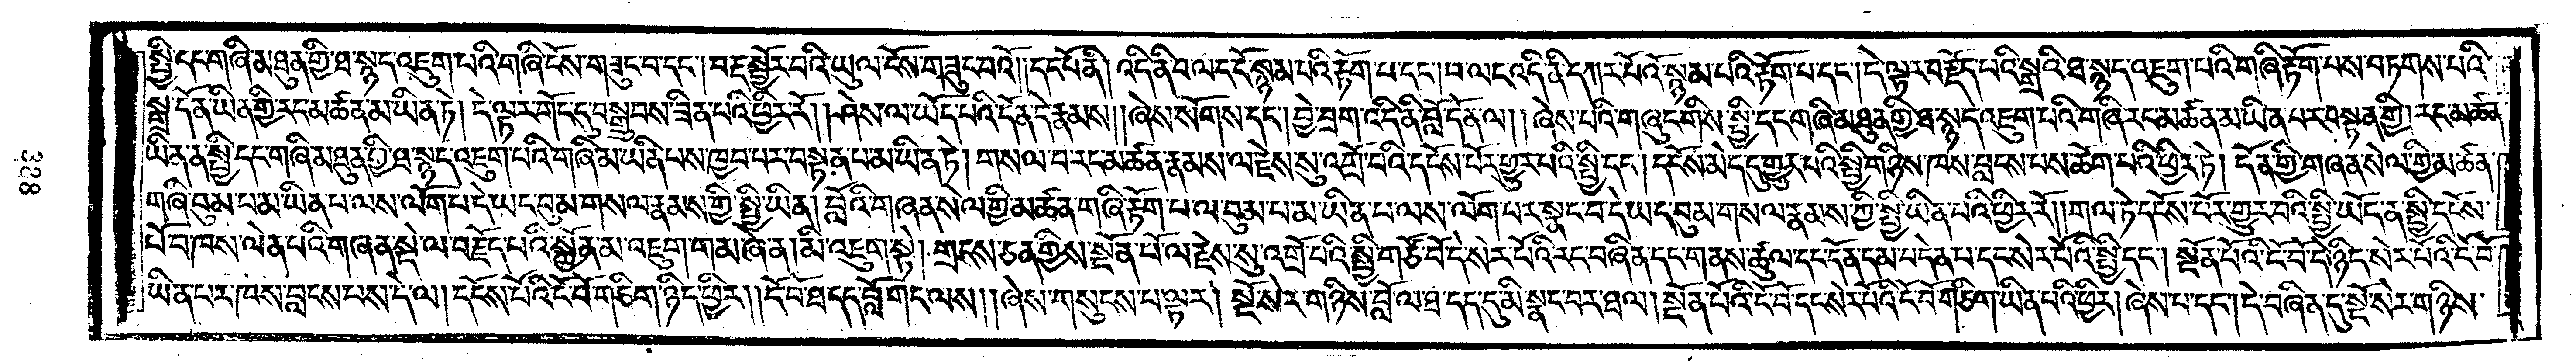སྤྱི་དང་གཞི་མཐུན་གྱི་ཐ་སྙད་འཇུག་པའི་གཞི་ངོས་གཟུང་བ་དང་། བརྡ་སྦྱོར་བའི་ཡུལ་ངོས་གཟུང་བའོ། །དང་པོ་ནི། འདི་ནི་བ་ལང་ངོ་སྙམ་པའི་རྟོག་པ་དང་། བ་ལང་འདི་ནི་དཀར་པོའོ་སྙམ་པའི་རྟོག་པ་དང་། དེ་ལྟར་བརྗོད་པའི་སྒྲའི་ཐ་སྙད་འཇུག་པའི་གཞི་རྟོག་པས་བཏགས་པའི་
སྒྲ་དོན་ཡིན་གྱི་རང་མཚན་མ་ཡིན་ཏེ། ད་ལྟར་གོང་དུ་བསྒྲུབས་ཟིན་པའི་ཕྱིར་རོ། །ཤེས་ལ་ཡོད་པའི་དོན་དེ་རྣམས། །ཞེས་སོགས་དང་། བྱེ་བྲག་འདི་ནི་བློ་དོན་ལ། །ཞེས་པའི་གཞུང་གིས་སྤྱི་དང་གཞི་མཐུན་གྱི་ཐ་སྙད་འཇུག་པའི་གཞི་རང་མཚན་མ་ཡིན་པར་བསྟན་གྱི། རང་མཚན་
ཡིན་ན་སྤྱི་དང་གཞི་མཐུན་གྱི་ཐ་སྙད་འཇུག་པའི་གཞི་མ་ཡིན་པས་ཁྱབ་པར་བསྟན་པ་མ་ཡིན་ཏེ། གསལ་བ་རང་མཚན་རྣམས་ལ་རྗེས་སུ་འགྲོ་བའི་དངོས་པོར་གྱུར་པའི་སྤྱི་དང་། དངོས་མེད་དུ་གྱུར་པའི་སྤྱི་གཉིས་ཁས་བླངས་པས་ཆོག་པའི་ཕྱིར་ཏེ། དོན་གྱི་གཞན་སེལ་གྱི་མཚན་
གཞི་བུམ་པ་མ་ཡིན་པ་ལས་ལོག་པ་དེ་ཡང་བུམ་གསལ་རྣམས་ཀྱི་སྤྱི་ཡིན། བློའི་གཞན་སེལ་གྱི་མཚན་གཞི་རྟོག་པ་ལ་བུམ་པ་མ་ཡིན་པ་ལས་ལོག་པར་སྣང་བ་དེ་ཡང་བུམ་གསལ་རྣམས་ཀྱི་སྤྱི་ཡིན་པའི་ཕྱིར་རོ། །གལ་ཏེ་དངོས་པོར་གྱུར་པའི་སྤྱི་ཡོད་ན་སྤྱི་དངོས་
པོ་བ་ཁས་ལེན་པའི་གཞན་སྡེ་ལ་བརྗོད་པའི་སྐྱོན་མི་འཇུག་གམ་ཞེ་ན། མི་འཇུག་སྟེ། གྲངས་ཅན་གྱིས་སྔོན་པོ་ལ་རྗེས་སུ་འགྲོ་བའི་སྤྱི་གཙོ་བོ་དེ་སེར་པོའི་རང་བཞིན་དང་གནས་ཚུལ་དང་དོན་དམ་བདེན་པ་དང་སེས་པོའི་སྤྱི་དང་། སྔོན་པོའི་ངོ་བོ་དེ་ཉིད་སེར་པོའི་ངོ་བོ་
ཡིན་པར་ཁས་བླངས་པས་དེ་ལ། དངོས་པོའི་ངོ་བོ་གཅིག་ཉིད་ཕྱིར། །ངོ་བོ་ཐ་དད་བློ་གང་ལས། །ཞེས་གསུངས་པ་ལྟར། སྔོ་སེར་གཉིས་བློ་ལ་ཐ་དད་དུ་མི་སྣང་བར་ཐལ། སྔོན་པོའི་ངོ་བོ་དང་སེར་པོའི་ངོ་བོ་གཅིག་ཡིན་པའི་ཕྱིར། ཞེས་པ་དང་། དེ་བཞིན་དུ་སྔོ་སེར་གཉིས་